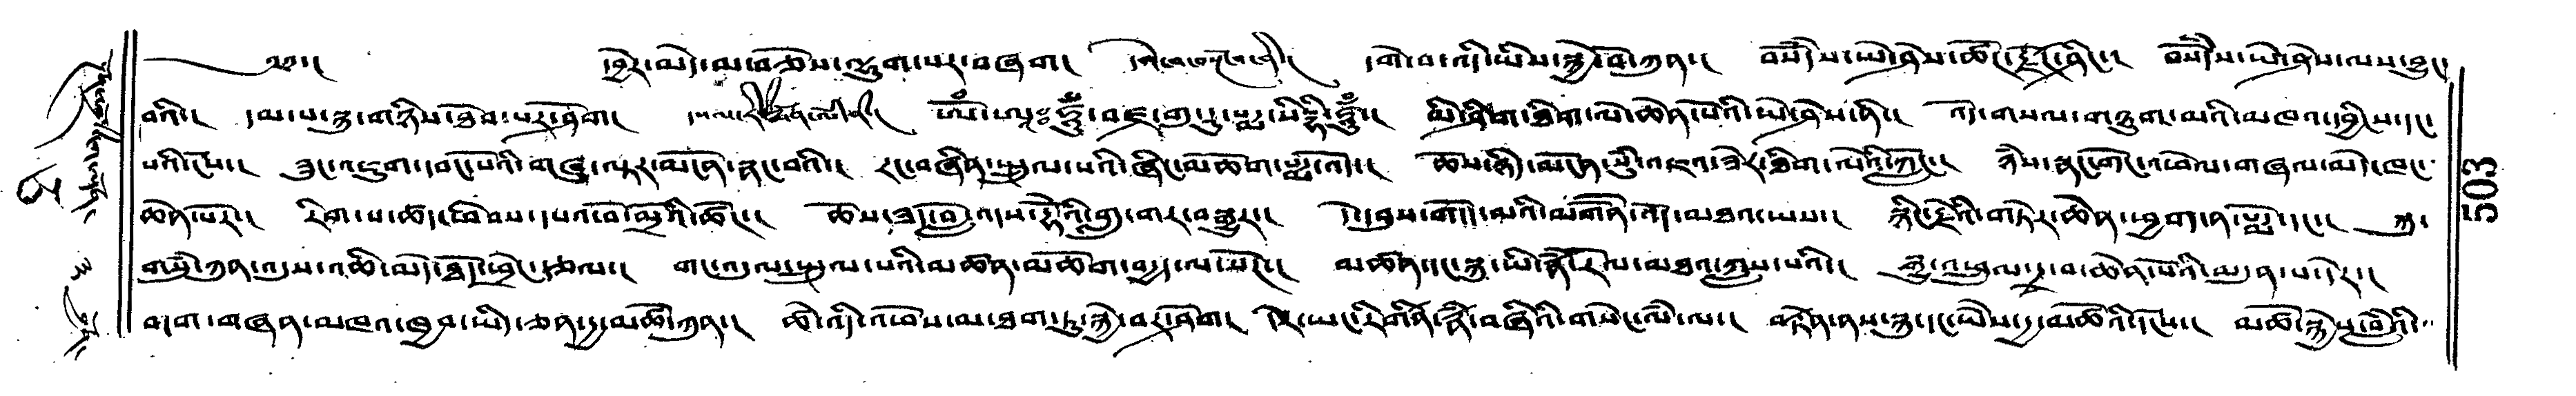།དབྱེར་མེད་མ་བཅོས་ལྷུག་པར་གཞག དགེ་བ་བསྔོ་བ་ནི། དགེ་བ་འདི་ཡིས་སྐྱེ་བོ་ཀུན། །བསོད་ནམས་ཡེ་ཤེས་ཚོགས་རྫོགས་ཤིང་། །བསོད་ནམས་ཡེ་ཤེས་ལས་བྱུང་
བའི། །དམ་པ་སྐུ་གཉིས་ཐོབ་པར་ཤོག དཔལ་རིའི་སྨོན་ལམ་ནི། ཨོཾ་ཨཱཿཧཱུྃ་བཛྲ་གུ་རུ་པདྨ་སིདྡྷི་ཧཱུྃ། །མི་བཤིག་ཐིག་ལེ་ཆེན་པོའི་ཡེ་ཤེས་ནི། །འོད་གསལ་གཉུག་མའི་མཁའ་དབྱིངས་དྭངས་
པའི་ངོས། །ཟུང་འཇུག་དབང་པོའི་གཞུ་ལྟར་མངོན་སྣང་བའི། །རང་བཞིན་སྤྲུལ་པའི་ཞིང་མཆོག་པདྨ་འོད། །ཆོས་ཉིད་མངོན་སུམ་འཇའ་ཟེར་ཐིག་ལེའི་ཀློང་། །ཉམས་སྣང་གོང་འཕེལ་གཞལ་མེད་ཁང་
ཆེན་པོར། །རིག་པ་ཚད་ཕེབས་དཔའ་བོ་མཁའ་འགྲོའི་ཚོགས། །ཆོས་ཟད་བློ་འདས་རྡོ་རྗེའི་གླུ་གར་སྒྱུར། །དེ་དབུས་གདོད་མའི་མགོན་པོ་འོད་མཐའ་ཡས། །སྙིང་རྗེའི་གཏེར་ཆེན་ཕྱག་ན་པདྨོ་དང་། །སྐུ་
གསུམ་ཀུན་འདུས་འཆི་མེད་ཐོད་ཕྲེང་རྩལ། །གང་འདུལ་སྤྲུལ་པའི་མཚན་མཆོག་བརྒྱད་ལ་སོགས། །མཚན་དང་སྐུ་ཡི་རྣམ་རོལ་མཐའ་ཀླས་པའི། །སྒྱུ་འཕྲུལ་དྲྭ་བ་ཆེན་པོའི་མདུན་ས་དེར། །
བདག་གཞན་མཁའ་ཁྱབ་ཡིད་ཅན་རྒྱ་མཚོ་ཀུན། །ཚེ་འདི་འཕོས་མ་ཐག་ཏུ་སྐྱེ་བར་ཤོག།དེར་ཡང་རིག་འཛིན་རྣམ་བཞིའི་གསེང་ལམ་ལ། །བརྟེན་ནས་སྐུ་དང་ཡེ་ཤེས་རྒྱ་མཚོའི་དངོས། །མཚོ་སྐྱེས་བླ་མའི་